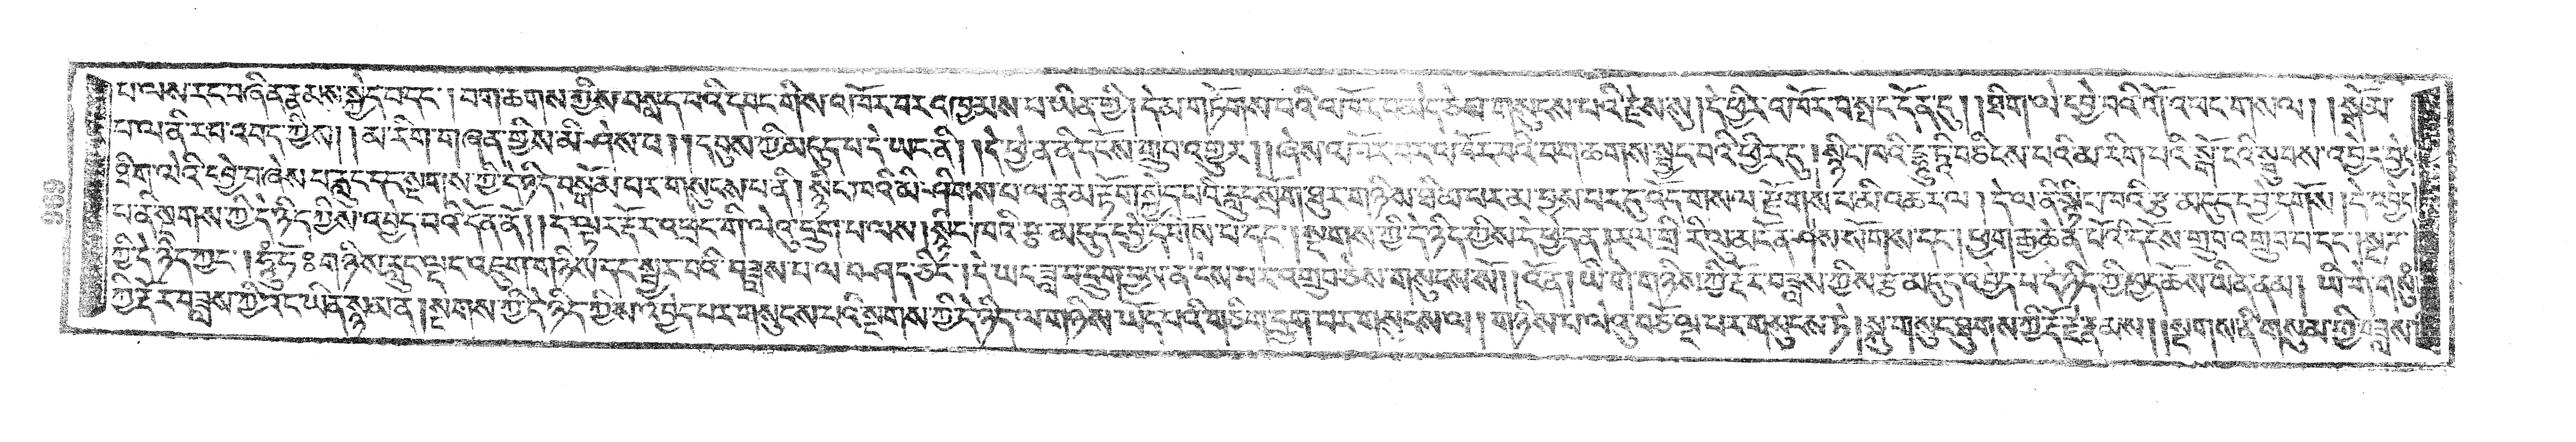པ་ལས་རང་བཞིན་རྣམས་སྐྱེད་པ་དང་། བག་ཆགས་ཀྱིས་བསླད་པའི་དབང་གིས་འཁོར་བར་འཁྱམས་པ་ཡིན་གྱི། དེ་མ་གཏོགས་པའི་འཁོར་བ་མེད་ཅེས་གསུངས་པའི་རྗེས་སུ། དེ་ཕྱིར་འཁོར་བ་སྤང་དོན་དུ། །ཐིག་ལེ་དབྱེ་བའི་གོ་འཕང་གསལ། །སྒོམ་
པ་ལ་ནི་རབ་འབད་ཀྱིས། །མ་རིག་གཞན་གྱིས་མི་ཤེས་པ། །དབུས་ཀྱི་མདུད་པ་དེ་ཡང་ནི། །དེ་ཕྱེ་ན་ནི་དངོས་གྲུབ་འགྱུར། །ཞེས་འཁོར་བར་འཁོར་བའི་བག་ཆགས་སྦྱང་བའི་ཕྱིར་དུ། །སྙིང་ཁའི་དྷཱུ་ཏཱི་བཅིངས་པའི་མ་རིག་པའི་སྒོ་ངའི་སྦུབས་འབྱེད་བྱེད་
ཐིག་ལེའི་དབྱེ་བ་ཞེས་པ་རླུང་དང་སྔགས་ཀྱི་དེ་ཉིད་བསྒོམ་པར་གསུངས་པ་ནི། སྙིང་ཁའི་མི་ཤིགས་པ་ལ་རྣམ་རྟོག་སྐྱེད་པའི་རླུང་སྲོག་ཐུར་གཉིས་ཐིམ་པར་མ་བྱས་པར་དུ་འོད་གསལ་རྫོགས་པ་མི་འཆར་ལ། དེ་ལ་ནི་སྙིང་ཁའི་རྩ་མདུད་དབྱེ་དགོས། དེ་འབྱེད་
པ་ནི་སོགས་ཀྱི་དེ་ཉིད་ཀྱིས་འབྱེད་པའི་དོན་ནོ། །དེ་ལྟར་རྡོར་འཕྲེང་གི་ལེའུ་དྲུག་པ་ལས། སྙིང་ཁའི་རྩ་མདུད་དབྱེ་དགོས་པ་དང་། སྔགས་ཀྱི་དེ་ཉིད་ཀྱིས་དེ་ཕྱེད་ན་།རལ་གྲི་རི་ལུ་མངོན་ཤེས་སོགས་དང་། ཕྱག་རྒྱ་ཆེན་པོའི་དངོས་གྲུབ་འགྲུབ་པ་དང་། སྔགས་
ཀྱི་དེ་ཉིད་ཀྱང་། ཧཱུམ་ཧོཿ གཉིས་རླུང་འཇུག་གཉིས་དང་སྦྱར་བའི་བཟླས་པ་ལ་བཤད་ཅིང་། དེ་ཡང་ཟླ་བ་དྲུག་བྱས་ན་ངེས་པར་འགྲུབ་ཅེས་གསུང་སོ། །འོ་ན་ཡི་གེ་གཉིས་ཀྱི་རྡོར་བཟླས་ཀྱིས་རྩ་མདུད་འབྱེད་པ་དེ་ཉིད་ཀྱི་ཆོས་ཡིན་ནམ། །ཡི་གེ་གསུམ་
ཀྱི་རྡོར་བཟླས་ཀྱི་རང་ཡིན་སྙམ་ན། སྔགས་ཀྱི་དེ་ཉིད་ཀྱིས་འབྱེད་པར་གསུངས་པའི་སྔགས་ཀྱི་དེ་ཉིད་ལ་གཉིས་ཡོད་པའི་གཅིག་དྲུག་པར་གསུངས་ལ། གཉིས་པ་ལེའུ་བཅོ་ལྔ་པར་གསུངས་ཏེ། སྐུ་གསུང་ཐུགས་ཀྱི་རྡོ་རྗེ་རྣམས། །སྔགས་ནི་གསུམ་གྱི་བཟླས་